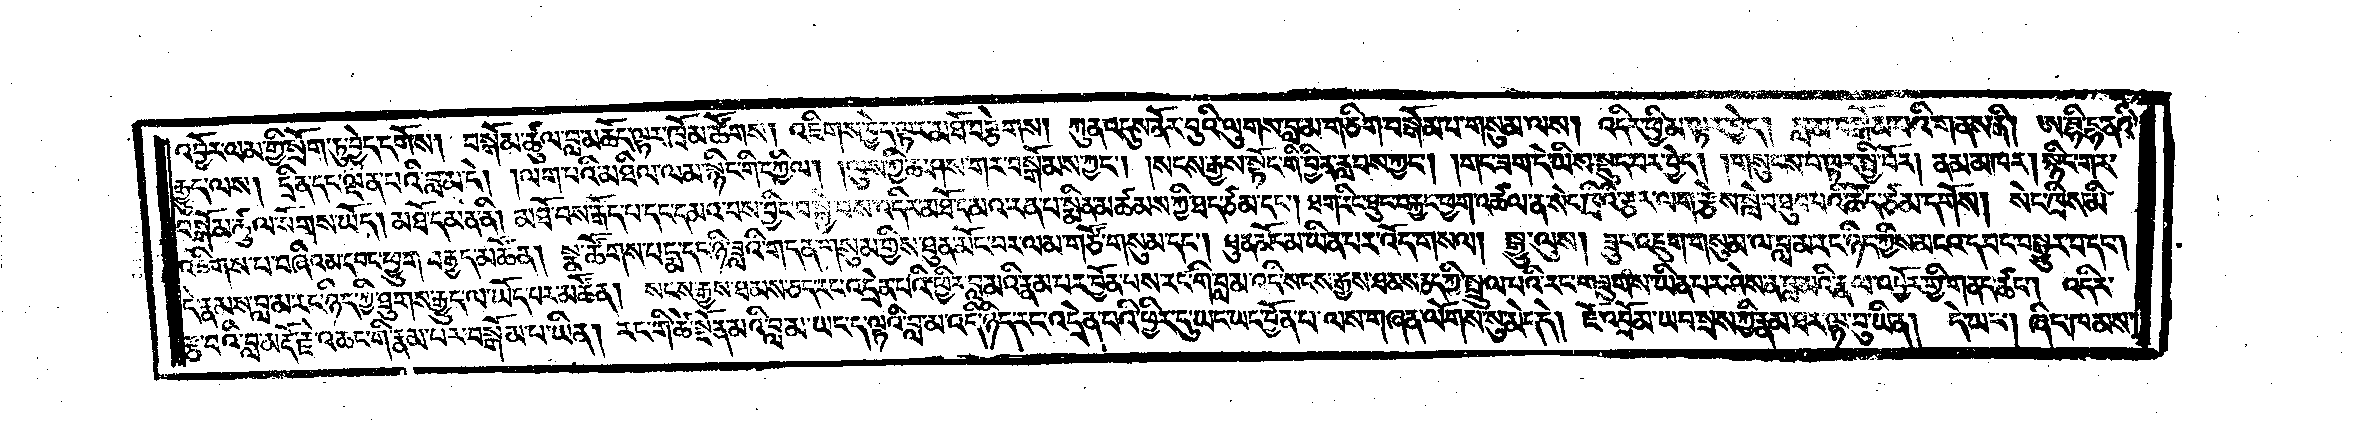འབྱོར་ལམ་གྱི་སྲོག་ཏུ་བྱེད་དགོས། བསྒོམ་ཚུལ་བླ་མཆོད་ལྟར་ཁྲོམ་ཚོགས། འཇིགས་བྱེད་ལྟར་མཐོ་བརྩེགས། ཀུན་འདུས་ནོར་བུའི་ལུགས་བླ་མ་གཅིག་བསྒོམ་པ་གསུམ་ལས། འདིར་ཕྱི་མ་ལྟར་བྱེད། བླ་མ་བསྒོམ་པའི་གནས་ན། ཨ་བྷ་དྷ་ནའ་
རྒྱུད་ལས། དྲིན་ངད་ལྡན་པའི་བླ་མ་དེ། །ལག་པའི་མཐིལ་ལམ་སྙིང་གི་དཀྱིལ། །ལུས་ཀྱི་ཆ་ཤས་གར་བསྒོམས་ཀྱང་། །སངས་རྒྱས་སྟོང་གི་བྱིན་རླབས་ཀྱང་། །གང་ཟག་དེ་ཡིས་སྡུད་པར་བྱེད། །གསུངས་པ་ལྟར་སྤྱི་བོར། ནམ་མཁར། སྙིང་གར་
བསྒོམ་ཚུལ་སོགས་ཡོད། མཐོ་དམན་ནི། མཐོ་བས་རྒོད་པ་དང་དམའ་བས་བྱིང་བ་སྐྱེ་བས་འདིར་མཐོ་དམའ་རན་པ་སྨིན་མཚམས་ཀྱི་ཐད་ཙམ་དང་། ཐག་རིང་ཐུང་བརྐྱང་ཕྱག་འཚལ་ན་སེང་ཁྲིའི་རྩར་ལག་རྩེས་སླེབ་ཐུབ་པའི་ཚོད་ཙམ་དགོས། སེང་ཁྲིས་མི་
འཇིགས་པ་བཞིའམ་དབང་ཕྱུག་བརྒྱད་མཚོན། སྣ་ཚོགས་པདམ་དང་ཉི་ཟླའི་གདན་གསུམན་གྱིས་ཐུན་མོང་བར་ལམ་གཙོ་གསུམ་དང་། ཐུན་མོང་མ་ཡིན་པར་འོད་གསལ། སྒྱུ་ལུས། ཟུང་འཇུག་གསུམ་ལ་བླ་མ་རང་ཉིད་ཀྱིས་མངའ་དབང་བསྒྱུར་བ་དང་།
དེ་རྣམས་བླ་མ་རང་ཉིད་ཀྱི་ཐུགས་རྒྱུད་ལ་ཡོད་བར་མཚོན། སངས་རྒྱས་ཐམས་ཅད་རང་འདྲེན་པའི་ཕྱིར་བླ་མའི་རྣམ་པར་བྱོན་པས་རང་གི་བླ་མ་འདི་སངས་རྒྱས་ཐམས་ཅད་ཀྱི་སྤྲུལ་པའི་རང་གཟུགས་ཡིན་པར་ཤེས་ན་མ་མའི་རྣལ་འབྱོར་གྱི་གནད་ཚང་། འདིར་
རྩ་བའི་བླ་མ་རྡོ་རྗེ་འཆང་གི་རྣམ་པར་བསྒོམ་པ་ཡིན། རང་གི་ཚེ་སྔོན་མའི་བླ་མ་ཡང་ད་ལྟའི་བླ་མ་འདི་ཉིད་རང་འདྲེན་པའི་ཕྱིར་དུ་ཡང་ཡང་བྱོན་པ་ལས་གཞན་ལོགས་སུ་མེད་དེ། ཇོ་འབྲོམ་ཡབ་སྲས་ཀྱི་རྣམ་ཐར་ལྟ་བུ་ཡིན། དེ་ཡང་། ཞིང་ཁམས་